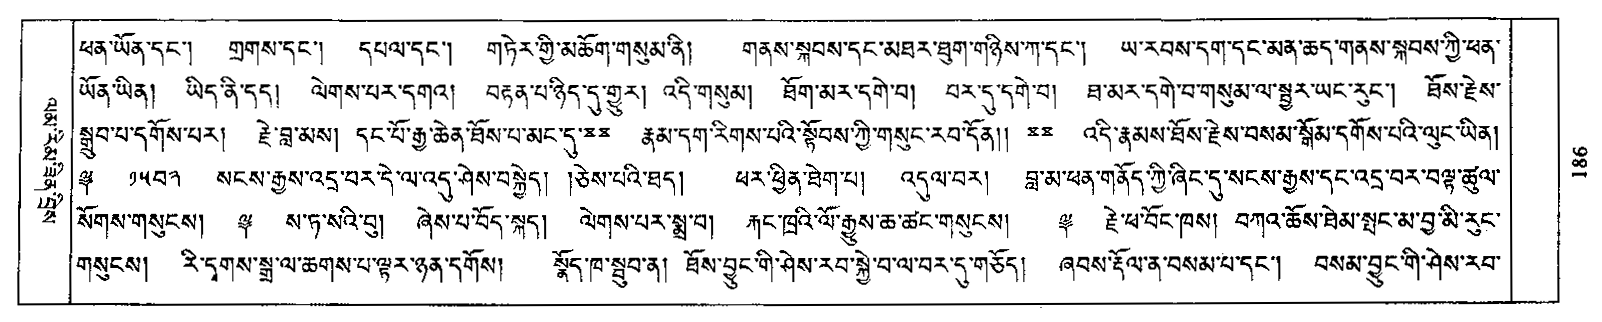ཕན་ཡོན་དང་། གྲགས་དང་། དཔལ་དང་། གཏེར་གྱི་མཆོག་གསུམ་ནི། གནས་སྐབས་དང་མཐར་ཐུག་གཉིས་ཀ་དང་། ཡ་རབས་དག་དང་མན་ཆད་གནས་སྐབས་ཀྱི་ཕན་
ཡོན་ཡིན། ཡིད་ནི་དད། ལེགས་པར་དགའ། བརྟན་པ་ཉིད་དུ་གྱུར། འདི་གསུམ། ཐོག་མར་དགེ་བ། བར་དུ་དགེ་བ། ཐ་མར་དགེ་བ་གསུམ་ལ་སྦྱར་ཡང་རུང་། ཐོས་རྗེས་
སྒྲུབ་པ་དགོས་པར། རྗེ་བླ་མས། དང་པོ་རྒྱ་ཆེན་ཐོས་པ་མང་དུ་རྣམ་དག་རིགས་པའི་སྟོབས་ཀྱི་གསུང་རབ་དོན།། འདི་རྣམས་ཐོས་རྗེས་བསམ་སྒོམ་དགོས་པའི་ལུང་ཡིན།
༈ ༡༥་བ ༢་སངས་རྒྱས་འདྲ་བར་དེ་ལ་འདུ་ཤེས་བསྐྱེད། །ཅེས་པའི་ཐད། ཕར་ཕྱིན་ཐེག་པ། འདུལ་བར། བླ་མ་ཕན་གནོད་ཀྱི་ཞིང་དུ་སངས་རྒྱས་དང་འདྲ་བར་བལྟ་ཚུལ་
སོགས་གསུངས། ༈ ས་ཏ་སའི་བུ། ཞེས་པ་བོད་སྐད། ལེགས་པར་སྨྲ་བ། རྐང་ཁྲའི་ལོ་རྒྱུས་ཆ་ཚང་གསུངས། ༈ རྗེ་ཕ་བོང་ཁས། བཀའ་ཆོས་ཐེམ་སྤང་མ་བྱ་མི་རུང་
གསུངས། རི་དྭགས་སྒྲ་ལ་ཆགས་པ་ལྟར་ཉན་དགོས། སྣོད་ཁ་སྦུབ་ན། ཐོས་བྱུང་གི་ཤེས་རབ་སྐྱེ་བ་ལ་བར་དུ་གཅོད། ཞབས་རྡོལ་ན་བསམ་པ་དང་། བསམ་བྱུང་གི་ཤེས་རབ་